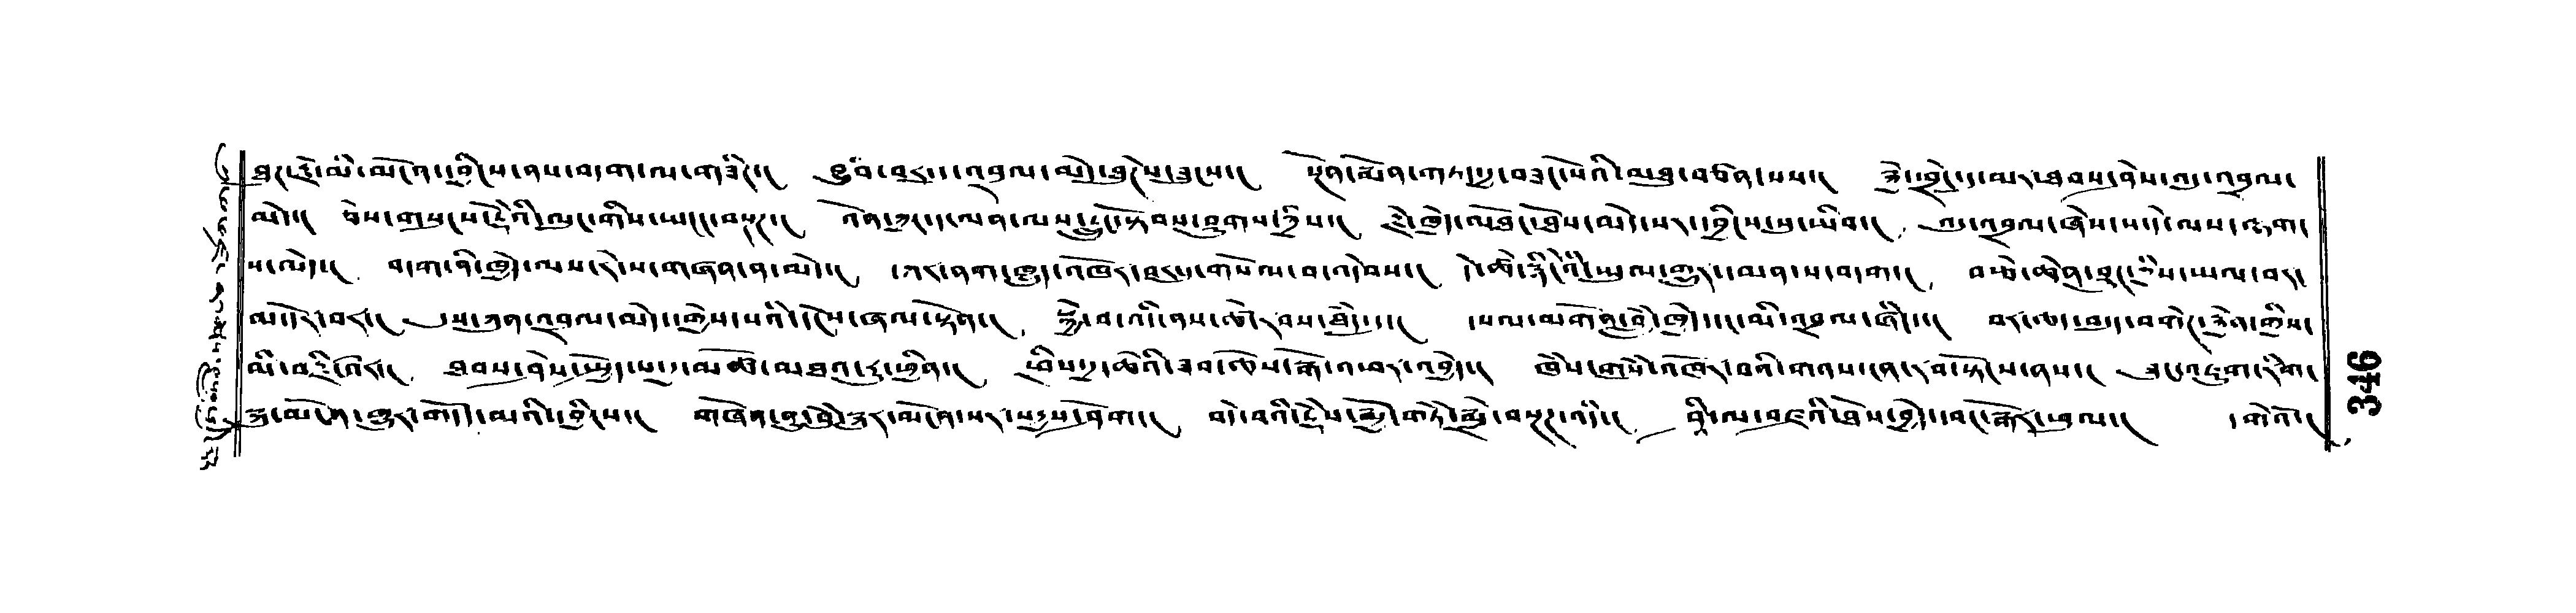།ཐུགས་རྗེ་མི་མངོན་དབྱིངས་ནས་བདག་ལ་གཟིགས། །བྱང་ཆུབ་བར་དུ་འབྲལ་མེད་ཐུགས་རྗེས་ཟུངས། །སྔོན་སྨོན་གཏད་རྒྱ་བཟང་པོའི་མཐུ་བཙན་པས། །སྐྱེ་ཕྲེང་དུ་མར་ཐབས་ཤེས་འདུ་འབྲལ་
མེད། །ཅེས་གསུངས་རྡོ་རྗེའི་ལུང་གིས་ཡང་ཡང་བསྔགས། །འོན་ཀྱང་ད་ལན་ལས་རླུང་སྟོབས་ཤུགས་ཀྱིས། །རྗེ་ཁྱེད་མཐོང་ཐོས་མེད་པར་དབྱིངས་སུ་ཡིབ། །འདུ་འབྲལ་ཞེས་པ་དེ་ལས་ལྷག་
པ་མེད། །བདག་ནི་ཁྱེད་ལས་རེ་ས་གཞན་ན་མེད། །དཀར་ནག་ཁྱུད་འཁོར་བར་དུ་གསོལ་བ་འདེབས། །དེ་ཚེ་སྙིང་རྗེའི་ཡུལ་གྱུར་དམན་པ་བདག །བརྩེ་ཆེན་ཤུགས་ཀྱིས་ཡལ་བར་
མ་དོར་བར། །དུས་ཀུན་འབྲལ་མེད་དགྱེས་པའི་དངོས་ཞལ་སྟོན། །སྐྱེ་བ་འདི་ནས་ཚེ་རབས་ཐམས་ཅད་དུ། །དཔལ་མགོན་བླ་མ་ཁྱེད་དང་མི་འབྲལ་ཞིང་། །བར་ཆད་བདུད་བགེགས་རྐྱེན་གྱིས་
མི་བརྫི་བར། །ཐབས་ཤེས་སྤྱོད་པ་རྒྱ་མཚོ་མཐའ་རུ་ཕྱིན། །ཕྲིན་ལས་རྒྱ་ཆེའི་ཟབ་ཆོས་སྒོ་འཕར་འབྱེད། ཁམས་གསུམ་འཁོར་བའི་གནས་ངན་རབ་སྟོངས་ནས། །ཟུང་འཇུག་རིག་
སྐུ་མངོན་གྱུར་གདོད་མའི་དབྱིངས། །གཞོན་ནུ་བུམ་སྐུར་མངོན་པར་སངས་རྒྱས་ཤོག །བདེ་བའི་རྡོ་རྗེས་སྨྱོ་གཏམ་སྨྲེ་བསགས་འདི། །ཤཱི་ལ་བཛྲའི་ཐོས་བྱེད་དབང་སྒོར་ཕུལ། དགེའོ།།